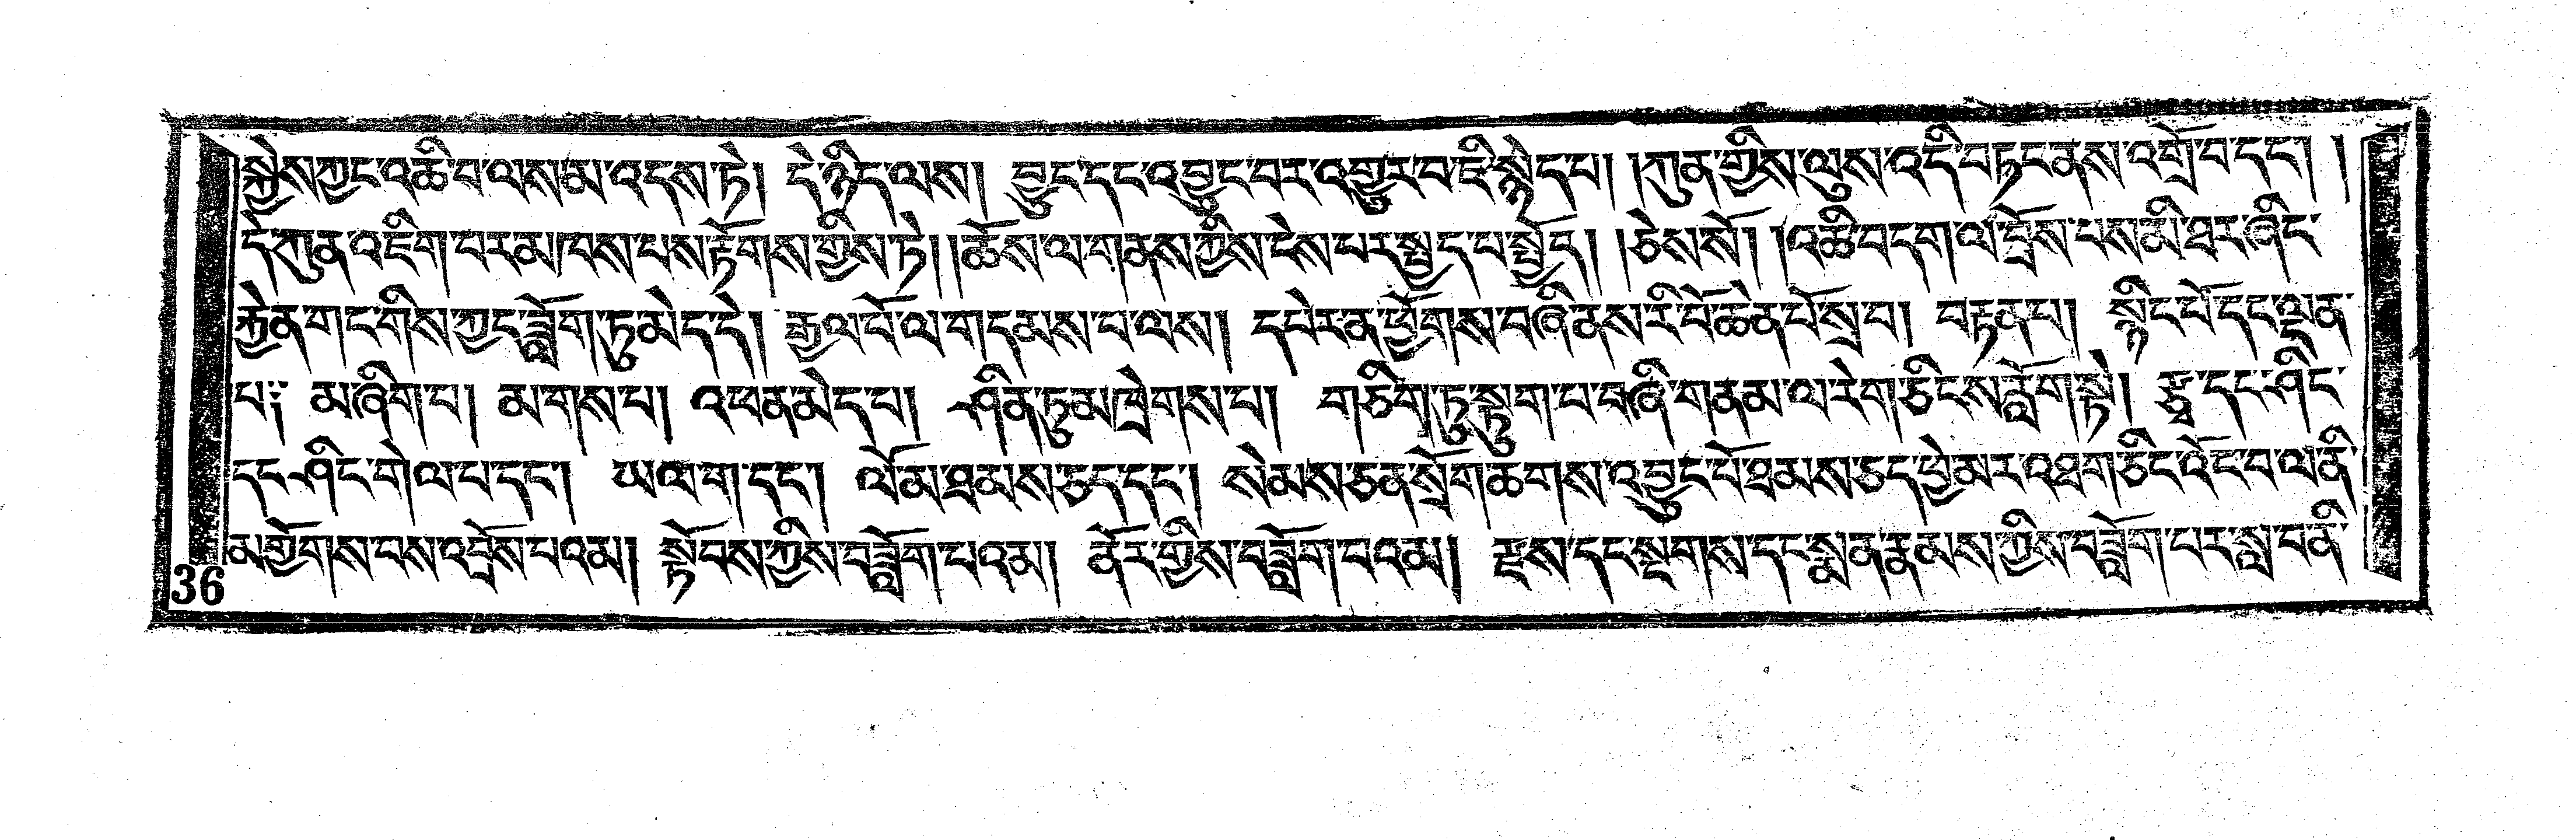སྐྱེས་ཀྱང་འཆི་བ་ལས་མ་འདས་ཏེ། དེ་ཉིད་ལས། བྱུང་དང་འབྱུང་བར་འགྱུར་བ་ཇི་སྙེད་པ། །ཀུན་གྱིས་ལུས་འདི་བཏང་ནས་འགྲོ་བ་དང་། །
དེ་ཀུན་འཇིག་པར་མཁས་པས་རྟོགས་གྱིས་ཏེ། །ཆོས་ལ་གནས་ཀྱིས་ངེས་པར་སྤྱད་པ་སྤྱོད། །ཅེས་སོ། །འཆི་བདག་ལ་བྲོས་པས་མི་ཐར་ཞིང་
རྐྱེན་གང་གིས་ཀྱང་ཟློག་ཏུ་མེད་དེ། རྒྱལ་པོ་ལ་གདམས་པ་ལས། དཔེར་ན་ཕྱོགས་བཞི་ནས་རི་པོ་ཆེན་པོ་སྲ་བ། བརྟན་པ། སྙིང་པོ་དང་ལྡན་
པ༑ མ་ཞིག་པ། མ་གས་པ། འཕན་མེད་པ། ཤིན་ཏུ་མཁྲེགས་པ། གཅིག་ཏུ་སྟུག་པ་བཞི་གནམ་ལ་རེག་ཅིངས་རློག་སྟེ། རྩྭ་དང་ཤིང་
དང་ཤིང་གེལ་པ་དང་། ཡལ་ག་དང་། ལམ་ཐམས་ཅད་དང་། སེམས་ཅན་སྲོག་ཆགས་འབྱུང་པོ་ཐམས་ཅད་ཕྱེ་མར་འཐག་ཅིང་འོང་བ་ལ་ནི་
མགྱོགས་པས་འབྲོས་པའམ། སྟོབས་ཀྱིས་བཟློག་པའམ། ནོར་གྱིས་བཟློག་པའམ། རྫས་དང་སྔགས་དང་སྨན་རྣམས་ཀྱིས་བཟློག་པར་སླ་བ་ནི་